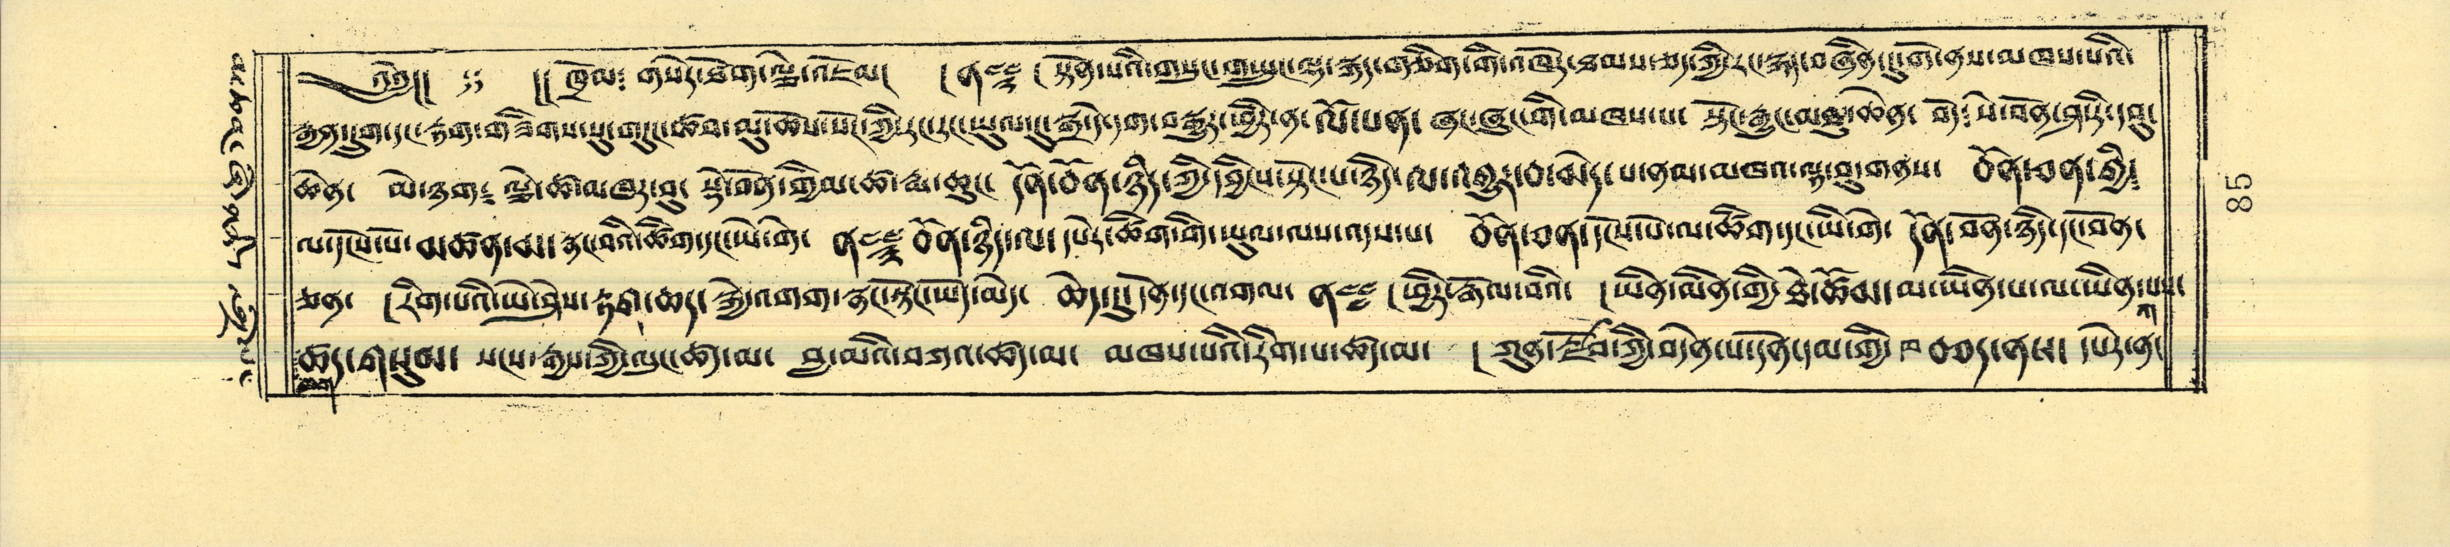ཁྲོམ་ གསེར་ཐོག་ལྕེ་འབྱམས། ན༤༤།༢སྟོན་པའི་གསུང་གཡུང་དྲུང་ལྷ་སྐད་ཅིག་གིས་འཁོར་ཐམས་ཅད་ཀྱིས་རང་སྐད་བཞིན་དུ་གོ་ནས་མཁས་པའི་
རྒྱན་དྲུག་དང་རྟག་གཟིགས་སུ་གདུང་འཚོབ་མུ་ཆོ་སོགས་ཀྱིས་རང་རང་ཡུལ་དུ་སྒྲ་དེ་དག་བསྒྱུར་ཕྱིར་ན་༼ལོ་པཎ༽ཞང་ཞུང་གི་མཁས་པ་ སྟོང་རྒྱུང་མཐུ་ཆེན་ བོད་སེ་བོན་ཤ་རི་དབུ་
ཆེན་ མེ་ཉག་ ལྕེ་ཚ་མཁར་བུ། ལྡེ་བོན་གྱིམ་ཚ་རྨ་ཆུང་།༼དོན་བོན་ཉིད༽ཀྱི་དབྱིངས་སྟོང་པ་ཉིད་ལ་༼འགྱུར་བ་མེད༽པ་ནམ་མཁའ་ལྟ་བུ་གནས་༼བོན་ཅན་གྱི༽
ལ་དངོས་པོ་༼མཚན་མ༽སྣང་བའི་ཚིག་དང་ཡི་གེ་ན༤༤།༣ ༼བོན་ཉིད་ལ༽དཔེར་ཚིག་གི་ཡུལ་ལས་འདས་པ་༼བོན་ཅན༽དངོས་པོ་ལ་ཚིག་དང་ཡི་གེ་༼དོན༽བོན་ཉིད་དང་བོན་
ཅན་ རིག་པའི་ཡེ་ཤེས་༼རྟག་ཆད༽སྐྱེ་འགག་སྣང་སྟོང་ཡོད་མེད་༼ཆེད་དུ་༽དོན་དང་འགལ་ ན༤༤།༤ཕྱིར་རྒོལ་བའི་ ཡིན་མིན་གྱི་༼ཐེ་ཚོམ༽མ་ཡིན་པ་ལ་ཡིན་པས་
༼བཅད་ནས༽དཔེར་ན་༼ཚད་གསུམ༽སངས་རྒྱས་ཀྱི་ལུང་ཚད་མ་བླ་མའི་བཀའ་ཚད་མ་མཁས་པའི་རིག་པ་ཚད་མ་ཀུན་རྫོབ་ཀྱི་བདེན་པ་དོན་དམ་གྱི་